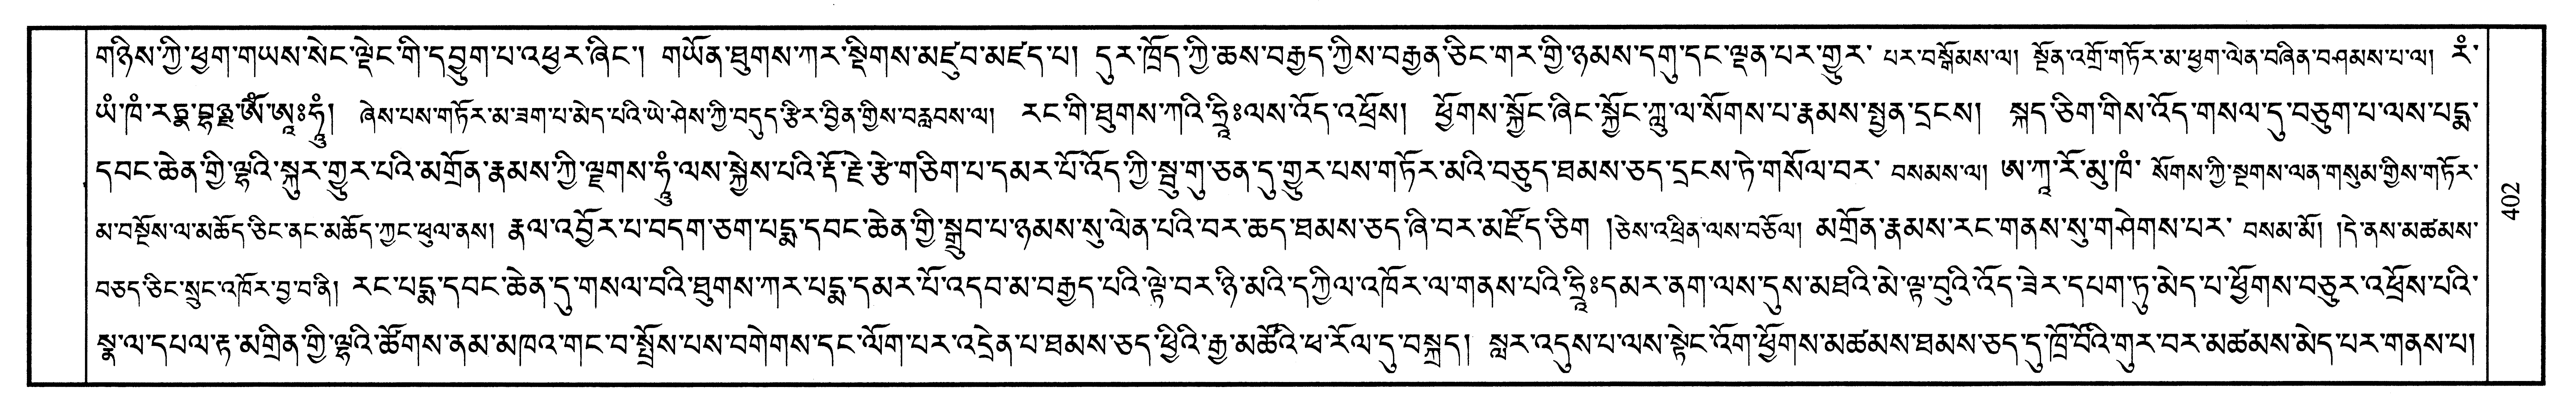གཉིས་ཀྱི་ཕྱག་གཡས་སེང་ལྡེང་གི་དབྱུག་པ་འཕྱར་ཞིང་། གཡོན་ཐུགས་ཀར་སྡིགས་མཛུབ་མཛད་པ། དུར་ཁྲོད་ཀྱི་ཆས་བརྒྱད་ཀྱིས་བརྒྱན་ཅིང་གར་གྱི་ཉམས་དགུ་དང་ལྡན་པར་གྱུར་པར་བསྒོམས་ལ། སྔོན་འགྲོ་གཏོར་མ་ཕྱག་ལེན་བཞིན་བཤམས་པ་ལ། རཾ་
ཡཾ་ཁཾ་རཏྣ་བྷཉྫ་ཨོཾ་ཨཱཿ ཧཱུཾ། ཞེས་པས་གཏོར་མ་ཟག་པ་མེད་པའི་ཡེ་ཤེས་ཀྱི་བདུད་རྩིར་བྱིན་གྱིས་བརླབས་ལ། རང་གི་ཐུགས་ཀའི་ཧྲཱིཿ ལས་འོད་འཕྲོས། ཕྱོགས་སྐྱོང་ཞིང་སྐྱོང་ཀླུ་ལ་སོགས་པ་རྣམས་སྤྱན་དྲངས། སྐད་ཅིག་གིས་འོད་གསལ་དུ་བཅུག་པ་ལས་པདམ་
དབང་ཆེན་གྱི་ལྷའི་སྐུར་གྱུར་པའི་མགྲོན་རྣམས་ཀྱི་ལྗགས་ཧཱུཾ་ལས་སྐྱེས་པའི་རྡོ་རྗེ་རྩེ་གཅིག་པ་དམར་པོ་འོད་ཀྱི་སྦུ་གུ་ཅན་དུ་གྱུར་པས་གཏོར་མའི་བཅུད་ཐམས་ཅད་དྲངས་ཏེ་གསོལ་བར་བསམས་ལ། ཨ་ཀཱ་རོ་མུ་ཁཾ་སོགས་ཀྱི་སྔགས་ལན་གསུམ་གྱིས་གཏོར་
མ་བསྔོས་ལ་མཆོད་ཅིང་ནང་མཆོད་ཀྱང་ཕུལ་ནས། རྣལ་འབྱོར་པ་བདག་ཅག་པདམ་དབང་ཆེན་གྱི་སྒྲུབ་པ་ཉམས་སུ་ལེན་པའི་བར་ཆད་ཐམས་ཅད་ཞི་བར་མཛོད་ཅིག །ཅེས་འཕྲིན་ལས་བཅོལ། མགྲོན་རྣམས་རང་གནས་སུ་གཤེགས་པར་བསམ་མོ། །དེ་ནས་མཚམས་
བཅད་ཅིང་སྲུང་འཁོར་བྱ་བ་ནི། རང་པདམ་དབང་ཆེན་དུ་གསལ་བའི་ཐུགས་ཀར་པདམ་དམར་པོ་འདབ་མ་བརྒྱད་པའི་ལྟེ་བར་ཉི་མའི་དཀྱིལ་འཁོར་ལ་གནས་པའི་ཧྲཱིཿ དམར་ནག་ལས་དུས་མཐའི་མེ་ལྟ་བུའི་འོད་ཟེར་དཔག་ཏུ་མེད་པ་ཕྱོགས་བཅུར་འཕྲོས་པའི་
སྣ་ལ་དཔལ་རྟ་མགྲིན་གྱི་ལྷའི་ཚོགས་ནམ་མཁའ་གང་བ་སྤྲོས་པས་བགེགས་དང་ལོག་པར་འདྲེན་པ་ཐམས་ཅད་ཕྱིའི་རྒྱ་མཚོའི་ཕ་རོལ་དུ་བསྐྲད། སླར་འདུས་པ་ལས་སྟེང་འོག་ཕྱོགས་མཚམས་ཐམས་ཅད་དུ་ཁྲོ་བོའི་གུར་བར་མཚམས་མེད་པར་གནས་པ།